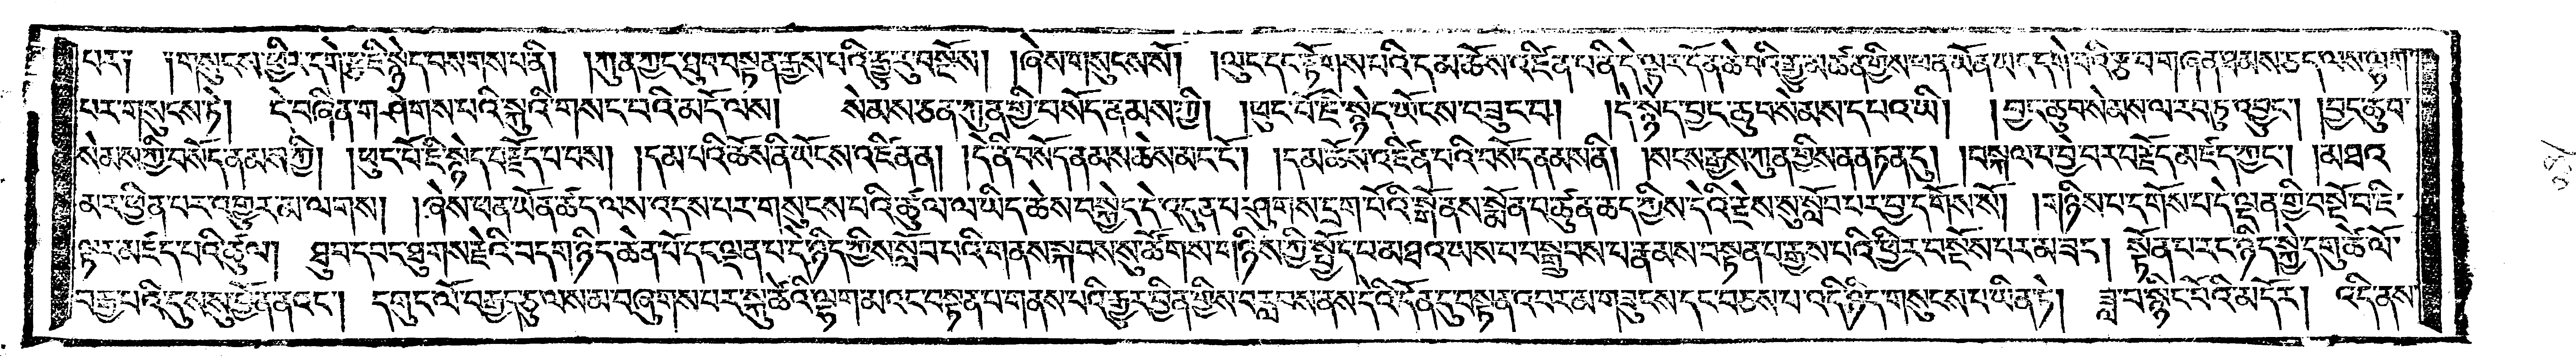པར༑ ༑གསུངས་ཕྱིར་དགེ་རྩ་ཇི་སྙེད་བསགས་པ་ནི། །ཀུན་ཀྱང་ཐུབ་བསྟན་རྒྱས་པའི་རྒྱུ་རུ་བསྔོས། །ཞེས་གསུངས་སོ། །ལུང་དང་རྟོགས་པའི་དམ་ཆོས་འཛིན་པ་ནི་དེ་ལྟར་དོན་ཆེ་བའི་རྒྱུ་མཚན་གྱིས་ཕན་ཡོན་ཡང་དགེ་བའི་རྩ་བ་གཞན་ཐམས་ཅད་ལས་ལྷག་
པར་གསུངས་ཏེ། དེ་བཞིན་གཤེགས་པའི་སྐུའི་གསང་བའི་མདོ་ལས། སེམས་ཅན་ཀུན་གྱི་བསོད་ནམས་ཀྱི། །ཕུང་པོ་ཇི་སྙེད་ཡོངས་བཟུང་བ། །དེ་སྙེད་བྱང་ཆུབ་སེམས་དཔའི་ཡི། །བྱང་ཆུབ་སེམས་ལ་རབ་ཏུ་འབྱུང་། །བྱང་ཆུབ་
སེམས་ཀྱི་བསོད་ནམས་ཀྱི། །ཕུང་པོ་ཇི་སྙེད་བརྗོད་པ་བས། །དམ་པའི་ཆོས་ནི་ཡོངས་འཛིན་ན། །དེ་ནི་བསོད་ནམས་ཆེས་མང་ངོ། །དམ་ཆོས་འཛིན་པའི་བསོད་ནམས་ནི། །སངས་རྒྱས་ཀུན་གྱིས་ནན་ཏན་དུ། །བསྐལ་པ་བྱེ་བར་བརྗོད་མཛད་ཀྱང་། །མཐའ་
མར་ཕྱིན་པར་འགྱུར་མ་ལགས། །ཞེས་ཕན་ཡོན་ཚད་ལས་འདས་པར་གསུངས་པའི་ཚུལ་ལ་ཡིད་ཆེས་བསྐྱེད་དེ་འདུན་པ་ཤུགས་དྲག་པོའི་སྒོ་ནས་སྨོན་པ་ཚུན་ཆད་ཀྱིས་དེའི་རྗེས་སུ་སློབ་པར་བྱ་དགོས་སོ། །གཉིས་པ་དགོས་པ་དེ་ལྡན་གྱི་བསྔོ་བ་ཇི་
ལྟར་མཛད་པའི་ཚུལ། ཐུབ་དབང་ཐུགས་རྗེའི་བདག་ཉིད་ཆེན་པོ་དང་ལྡན་པ་དེ་ཉིད་ཀྱིས་སློབ་པའི་གནས་སྐབས་སུ་ཚོགས་གཉིས་ཀྱི་སྤྱོད་པ་མཐའ་ཡས་པ་བསྒྲུབས་པ་རྣམས་བསྟན་པ་རྒྱས་པའི་ཕྱིར་བསྔོས་པར་མ་ཟད། སྟོན་པ་རང་ཉིད་སྐྱེ་དགུ་ཚེ་ལོ་
བརྒྱ་པའི་དུས་སུ་བྱོན་ནའང་། དགུང་ལོ་བརྒྱད་ཅུ་ལས་མ་བཞུགས་པར་སྐུ་ཚེའི་ལྷག་མའང་བསྟན་པ་གནས་པའི་རྒྱུད་བྱིན་གྱིས་བརླབས་ནས་དེའི་དོན་དུ་བསྟན་འབར་མ་གཟུངས་དང་བཅས་པ་འདི་ཉིད་གསུངས་པ་ཡིན་ཏེ། ཟླ་བ་སྙིང་པོའི་མདོར། འདི་ནས་